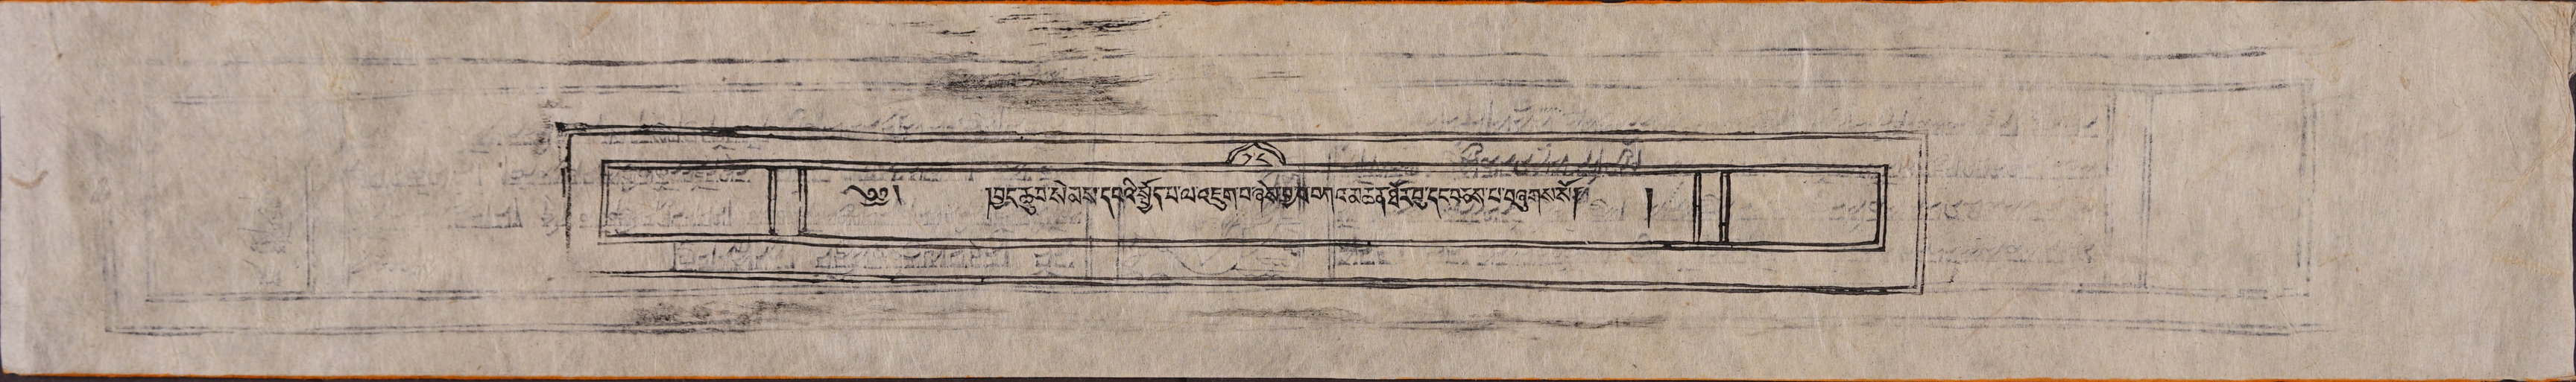༄༅། །བྱང་ཆུབ་སེམས་དཔའི་སྤྱོད་པ་ལ་འཇུག་པ་ཞེས་བྱ་བ་བཀའ་མཆན་ཐོར་བུ་དང་བཅས་པ་བཞུགས་སོ། །